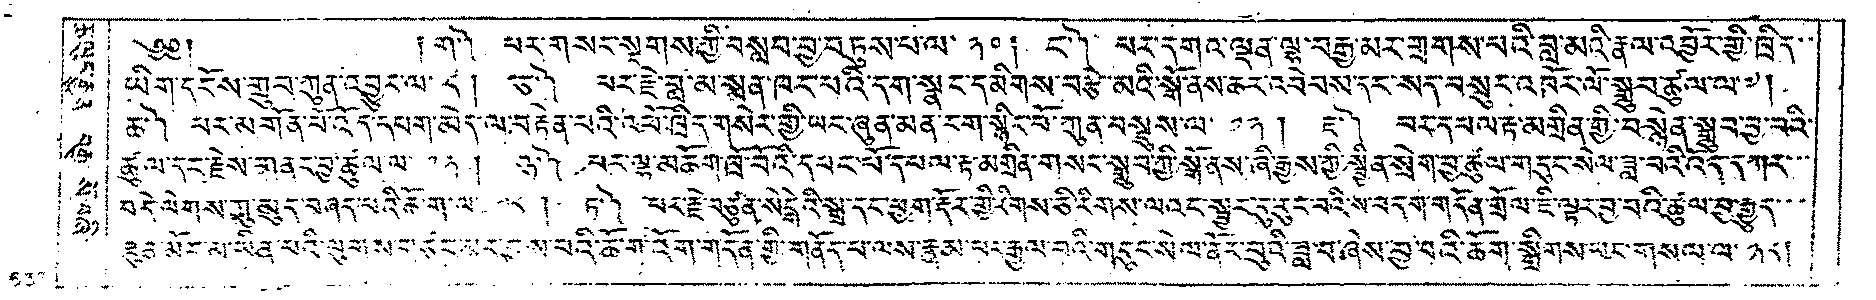༄༅། །ག྄་པར་གསང་སྔགས་ཀྱི་བསླབ་བྱ་བཏུས་པ་ལ ༢༠། ང྄་པར་དགའ་ལྡན་ལྷ་བརྒྱ་མར་གྲགས་པའི་བླ་མའི་རྣལ་འབྱོར་གྱི་ཁྲིད་
ཡིག་དངོས་གྲུབ་ཀུན་འབྱུང་ལ ༨། ཅ྄་པར་རྗེ་བླ་མ་སྨན་ཁང་པའི་དག་སྣང་དམིགས་བརྩེ་མའི་སྒོ་ནས་ཆར་འབེབས་དང་སད་བསྲུང་འཁོར་ལོ་སྒྲུབ་ཚུལ་ལ ༧།
ཆ྄་པར་མགོན་པོ་འོད་དཔག་མེད་ལ་བརྟེན་པའི་འཕོ་ཁྲིད་གསེར་གྱི་ཡང་ཞུན་མན་ངག་སྙིང་པོ་ཀུན་བསྡུས་ལ ༡༢། ཇ྄་བར་དཔལ་རྟ་མགྲིན་གྱི་བསྙེན་སྒྲུབ་བྱ་བའི་
ཚུལ་དང་རྗེས་གནང་བྱ་ཚུལ་ལ ༡༢། ཉ྄་པར་ལྷ་མཆོག་ཁྲོ་བོའི་དབང་པོ་དཔལ་རྟ་མགྲིན་གསང་སྒྲུབ་ཀྱི་སྒོ་ནས་ཞི་རྒྱས་ཀྱི་སྦྱིན་སྲེག་བྱ་ཚུལ་གདུང་སེལ་ཟླ་བའི་འོད་དཀར་
བདེ་ལེགས་ཀུན་མུད་བཞད་པའི་ཆོ་ག་ལ ༡༨། ཏ྄་པར་རྗེ་བཙུན་སེངྒེའི་སྒྲ་དང་ཕྱག་རྡོར་གྱི་རིགས་ཅི་རིགས་ལའང་སྦྱར་དུ་རུང་བའི་ས་བདག་གདོན་གྲོལ་ཇི་ལྟར་བྱ་བའི་ཚུལ་བྱ་རྒྱུད་
ཐུན་མོང་མ་ཡིན་པའི་ལུགས་གཙང་མར་བྱས་པའི་ཆོ་ག་འོག་གདོན་གྱི་གནོད་པ་ལས་རྣམ་པར་རྒྱལ་བའི་གདུང་སེལ་ནོར་བུའི་ཟླ་བ་ཞེས་བྱ་བའི་ཆོག་སྒྲིགས་ཡང་གསལ་ལ ༢༨།